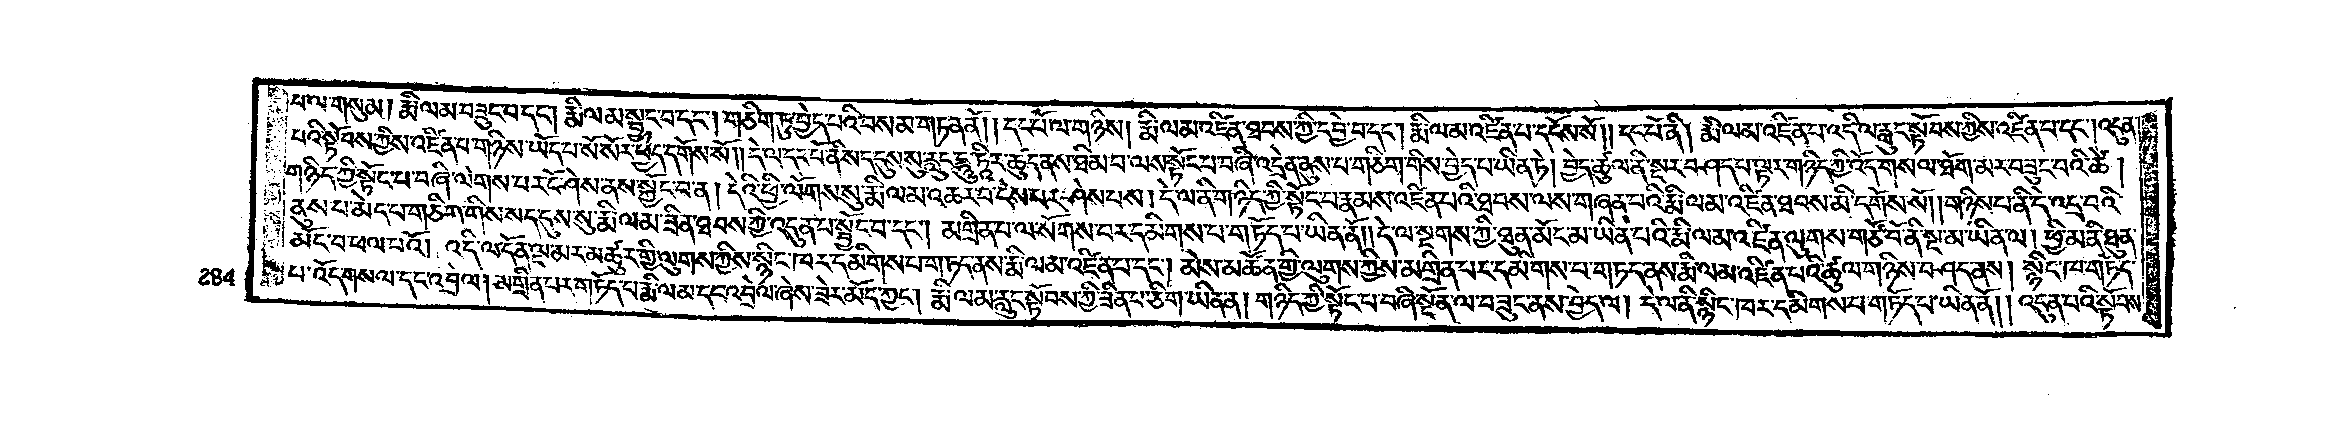པ་ལ་གསུམ། རྨི་ལམ་བཟུང་བ་དང་། རྨི་ལམ་སྦྱང་བ་དང་། གཅིག་ཏུ་བྱེད་པའི་བསམ་གཏན་ནོ། །དང་པོ་ལ་གཉིས། རྨི་ལམ་འཛིན་ཐབས་ཀྱི་དབྱེ་བ་དང་། རྨི་ལམ་འཛིན་པ་དངོས་སོ། །དང་པོ་ནི། རྨི་ལམ་འཛིན་པ་འདི་ལ་རླུང་སྟོབས་ཀྱིས་འཛིན་པ་དང་། འདུན་
པའི་སྟོབས་ཀྱིས་འཛིན་པ་གཉིས་ཡོད་པ་སོ་སོར་ཕྱེད་དགོས་སོ། །དེ་ལ་དང་པོ་ནི་སད་དུས་སུ་རླུང་དྷཱུ་ཏཱིར་ཚུད་ནས་ཐིམ་པ་ལས་སྟོང་པ་བཞི་འདྲེན་ནུས་པ་གཅིག་གིས་བྱེད་པ་ཡིན་ཏེ། བྱེད་ཚུལ་ནི་སྔར་བཤད་པ་ལྟར་གཉིད་ཀྱི་འོད་གསལ་ཐོག་མར་བཟུང་བའི་ཚེ།
གཉིད་ཀྱི་སྟོང་པ་བཞི་ལེགས་པར་ངོ་ཤེས་ནས་སྐྱོང་བ་ན། དེའི་ཕྱི་ལོགས་སུ་རྨི་ལམ་འཆར་བ་ངེས་པར་ཤེས་པས། དེ་ལ་ནི་གཉིད་ཀྱི་སྟོང་པ་རྣམས་འཛིན་པའི་ཐབས་ལས་གཞན་པའི་རྨི་ལམ་འཛིན་ཐབས་མི་དགོས་སོ། །གཉིས་པ་ནི་དེ་འདྲ་བའི་
ནུས་པ་མེད་པ་གཅིག་གིས་སད་དུས་སུ་རྨི་ལམ་ཟིན་ཐབས་ཀྱི་འདུན་པ་སྦྱོང་བ་དང་། མགྲིན་པ་ལ་སོགས་པར་དམིགས་པ་གཏོད་པ་ཡིན་ནོ། །དེ་ལ་སྔགས་ཀྱི་ཐུན་མོང་མ་ཡིན་པའི་རྨི་ལམ་འཛིན་ལུགས་གཙོ་བོ་ནི་སྔ་མ་ཡིན་ལ། ཕྱི་མ་ནི་ཐུན་
མོང་བ་ཕལ་པའོ། །འདི་ལ་དོན་ལྔ་མར་མཚུར་གྱི་ལུགས་ཀྱིས་སྙིང་ཁར་དམིགས་པ་གཏད་ནས་རྨི་ལམ་འཛིན་པ་དང་། མེས་མཚོན་གྱི་ལུགས་ཀྱིས་མགྲིན་པར་དམིགས་པ་གཏད་ནས་རྨི་ལམ་འཛིན་པའི་ཚུལ་གཉིས་བཤད་ནས། སྙིང་ཁར་གཏོད་
པ་འོད་གསལ་དང་འབྲེལ། མགྲིན་པར་གཏོད་པ་རྨི་ལམ་དང་འབྲེལ་ཞེས་ཟེར་མོད་ཀྱང་། རྨི་ལམ་རླུང་སྟོབས་ཀྱི་ཟིན་པ་ཅིག་ཡིན་ན། གཉིད་ཀྱི་སྟོང་པ་བཞི་སྔོན་ལ་བཟུང་ནས་བྱེད་ལ། དེ་ལ་ནི་སྙིང་ཁར་དམིགས་པ་གཏོད་པ་ཡིན་ནོ། །འདུན་པའི་སྟོབས་